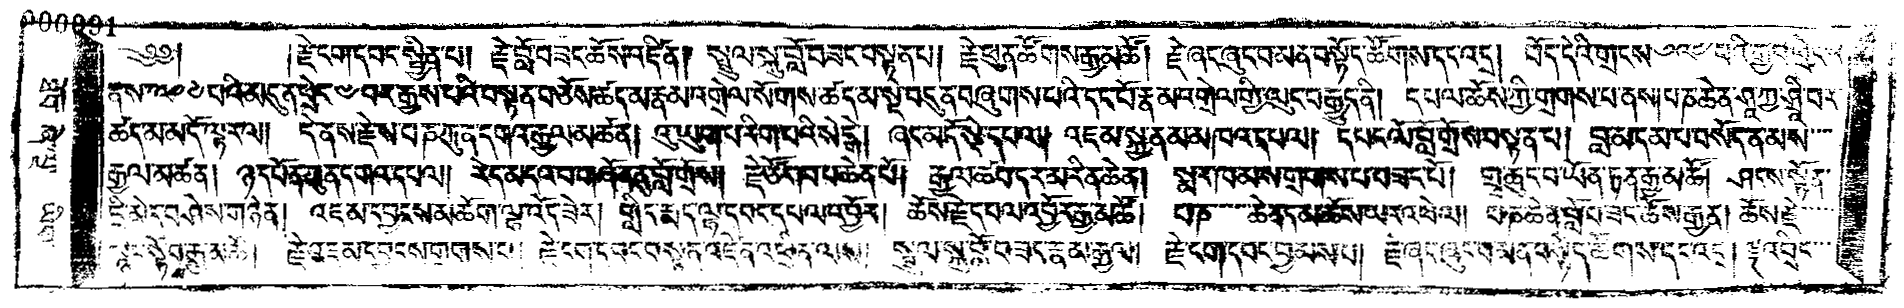༄༅། །རྗེ་ངག་དབང་སྦྱིན་པ། རྗེ་བློ་བཟང་ཆོས་འཛིན། སྤྲུལ་སྐུ་བློ་བཟང་བསྟན་པ། རྗེ་ཕུན་ཚོགས་རྒྱ་མཚོ། རྗེ་ཞང་ཞུང་བ་མན་བསྟོད་ཚོགས་དང་འདྲ། བོད་དེའི་གྲངས ༡༢༧་པའི་རྒྱབ་ཕྲེང ༣
ནས ༣༡༧་པའི་མདུན་ཕྲེང ༧་བར་རྒྱས་པའི་བསྟན་བཅོས་ཚད་མ་རྣམ་འགྲེལ་སོགས་ཚད་མ་སྡེ་བདུན་བཞུགས་པའི་དང་པོ་རྣམ་འགྲེལ་གྱི་ལུང་བརྒྱུད་ནི། དཔལ་ཆོས་ཀྱི་གྲགས་པ་ནས། པཎ་ཆེན་ཤཱཀྱ་ཤྲཱི་བར་
ཚད་མ་མདོ་ལྟར་ལ། དེ་ནས་རྗེ་ས་པཎ་ཀུན་དགའ་རྒྱལ་མཚན། འུ་ཡུག་པ་རིག་པའི་སེངྒེ། ཞང་མདོ་སྡེ་དཔལ། འཇམ་སྐྱ་ནམ་མཁའ་དཔལ། དཔང་ལོ་བློ་གྲོས་བསྟན་པ། བླ་མ་དམ་པ་བསོད་ནམས་
རྒྱལ་མཚན། ཉ་དཔོན་ཀུན་དགའ་དཔལ། རེད་མདའ་བ་གཞོན་ནུ་བློ་གྲོས། རྗེ་ཙོང་ཁ་པ་ཆེན་པོ། རྒྱལ་ཚབ་དར་མ་རིན་ཆེན། སྨར་ཁམས་གྲགས་པ་བཟང་པོ། གྲྭ་ཆུང་བ་ཡོན་ཏན་རྒྱ་མཚོ། ཤངས་སྟོན་
དྲི་མེད་བཤེས་གཉེན། འཇམ་དབྱངས་མཆོག་ལྷ་འོད་ཟེར། གླིང་རྨད་ལྷ་དབང་དཔལ་འབྱོར། ཆོས་རྗེ་དཔལ་འབྱོར་རྒྱ་མཚོ། པཎ་ཆེན་དམ་ཆོས་ཡར་འཕེལ། པཎ་ཆེན་བློ་བཟང་ཆོས་རྒྱན། ཆོས་རྗེ་
སྙིང་སྟོབས་རྒྱ་མཚོ། རྗེ་འཇམ་དབྱངས་གྲགས་པ། རྗེ་ངག་དབང་བསྟན་འཛིན་འཕྲིན་ལས། སྤྲུལ་སྐུ་བློ་བཟང་རྣམ་རྒྱལ། རྗེ་ངག་དབང་བྱམས་པ། རྗེ་ཞང་ཞུང་བ་མན་བསྟོད་ཚོགས་དང་འདྲ། ༈ འབྲིང་